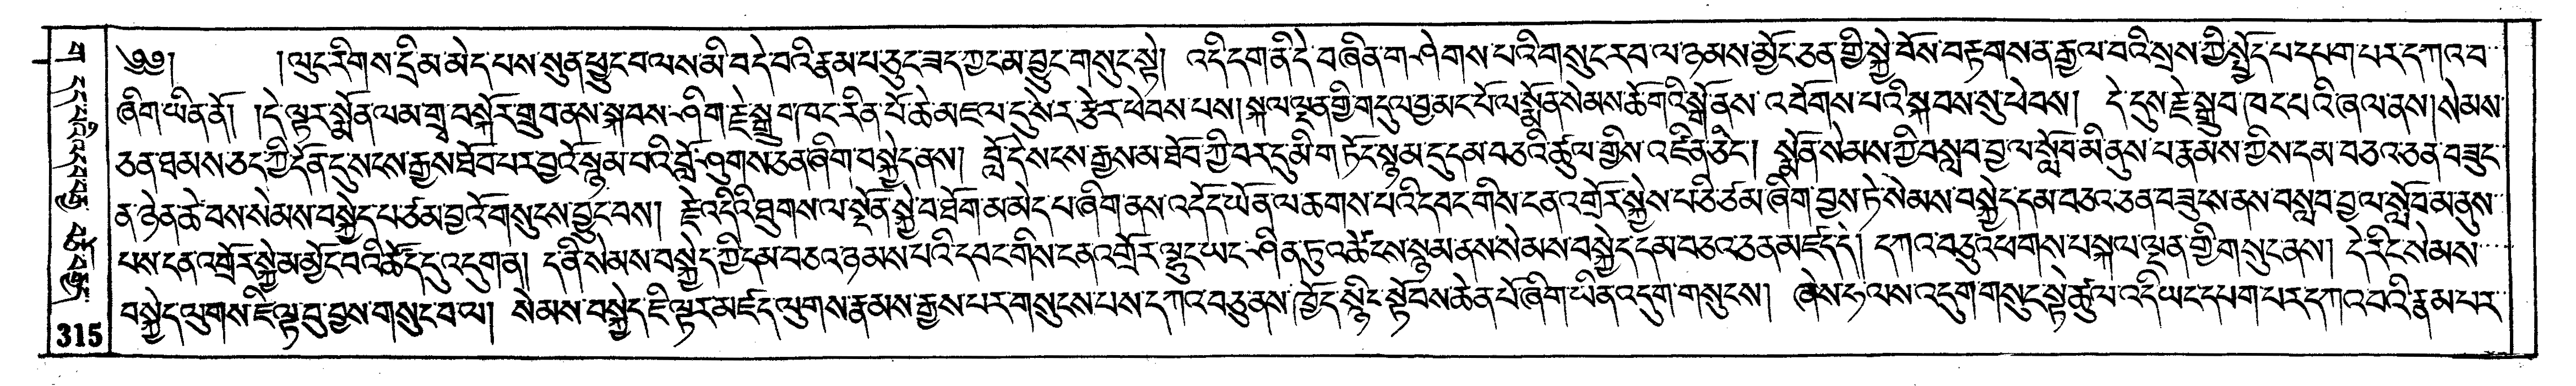༄༅། །ལུང་རིགས་དྲི་མ་མེད་པས་སུན་ཕྱུང་བ་ལས་མི་བདེ་བའི་རྣམ་པ་ཅུང་ཟད་ཀྱང་མ་བྱུང་གསུང་སྟེ། འདི་དག་ནི་དེ་བཞིན་གཤེགས་པའི་གསུང་རབ་ལ་ཉམས་མྱོང་ཅན་གྱི་སྐྱེ་བོས་བརྟགས་ན་རྒྱལ་བའི་སྲས་ཀྱི་སྦྱོད་པ་དཔག་པར་དཀའ་བ་
ཞིག་ཡིན་ནོ། །དེ་ལྟར་སྨོན་ལམ་གྲྭ་བསྐོར་གྲུབ་ནས་སྐབས་ཤིག་རྗེ་སྒྲུབ་ཁང་རིན་པོ་ཆེ་མཇལ་དུ་སེར་རྩེར་ཕེབས་པས། སྐལ་ལྡན་གྱི་གདུལ་བྱ་མང་པོ་ལ་སྨོན་སེམས་ཆོ་གའི་སྒོ་ནས་འབོགས་པའི་སྐབས་སུ་ཕེབས། དེ་དུས་རྗེ་སྒྲུབ་ཁང་པའི་ཞལ་ནས། སེམས་
ཅན་ཐམས་ཅད་ཀྱི་དོན་དུ་སངས་རྒྱས་ཐོབ་པར་བྱའོ་སྙམ་པའི་བློ་ཤུགས་ཅན་ཞིག་བསྐྱེད་ནས། བློ་དེ་སངས་རྒྱས་མ་ཐོབ་ཀྱི་བར་དུ་མི་གཏོང་སྙམ་དུ་དམ་བཅའི་ཚུལ་གྱིས་འཛིན་ཅིང་། སྨོན་སེམས་ཀྱི་བསླབ་བྱ་ལ་སློབ་མི་ནུས་པ་རྣམས་ཀྱིས་དམ་བཅའ་ཅན་བཟུང་
ན་ཉེན་ཆེ་བས་སེམས་བསྐྱེད་པ་ཙམ་བྱའོ་གསུངས་བྱུང་བས། རྗེ་འདིའི་ཐུགས་ལ་སྔོན་སྐྱེ་བ་ཐོག་མ་མེད་པ་ཞིག་ནས་འདོད་ཡོན་ལ་ཆགས་པའི་དབང་གིས་ངན་འགྲོར་སྐྱེས་པ་ཅི་ཙམ་ཞིག་བྱས་ཏེ་སེམས་བསྐྱེད་དམ་བཅའ་ཅན་བཟུངས་ནས་བསླབ་བྱ་ལ་སློབ་མ་ནུས།
པས་ངན་འགྲོར་སྐྱེ་མ་མྱོང་བའི་ཚོད་དུ་འདུག་ན། ད་ནི་སེམས་བསྐྱེད་ཀྱི་དམ་བཅའ་ཉམས་པའི་དབང་གིས་ངན་འགྲོར་ལྷུང་ཡང་ཤིན་ཏུ་འཚེངས་སྙམ་ནས་སེམས་བསྐྱེད་དམ་བཅའ་ཅན་མཛད་དེ། དཀའ་བཅུ་འཕགས་པ་སྐལ་ལྡན་གྱི་གསུང་ནས། དེ་རིང་སེམས་
བསྐྱེད་ལུགས་ཇི་ལྟ་བུ་བྱས་གསུང་བ་ལ། སེམས་བསྐྱེད་ཇི་ལྟར་མཛད་ལུགས་རྣམས་རྒྱས་པར་གསུངས་པས་དཀའ་བཅུ་ནས་ཁྱོད་སྙིང་སྟོབས་ཆེན་པོ་ཞིག་ཡིན་འདུག་གསུངས། ཞེས་ཧ་ལས་འདུག་གསུང་སྟེ་ཚུལ་འདི་ཡང་དཔག་པར་དཀའ་བའི་རྣམ་པར་